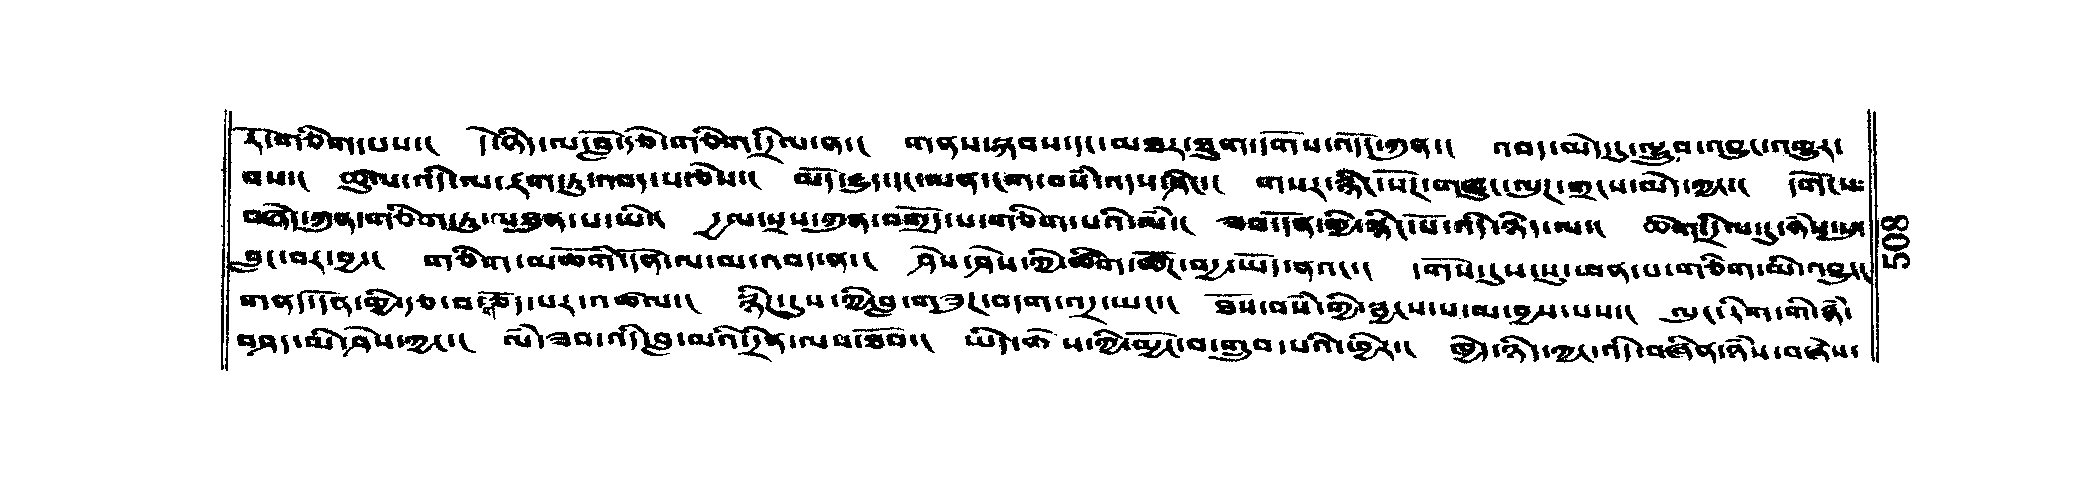རོ་གཅིག་པས། །དེ་ཉིད་ལ་བློ་རྩེ་གཅིག་དྲིལ་ན། །གནས་སྐབས་དང་མཐར་ཐུག་དགོས་འདོད་ཀུན། །འབད་མེད་དུ་ལྷུན་གྲུབ་འབྱུང་འགྱུར་
བས། །ཚུལ་འདི་ལ་རྟག་ཏུ་འབད་པ་གཅེས། །མདོ་རྒྱུད་དང་མན་ངག་བསམ་འདས་ཤིང་། །གསར་སྙིང་སོགས་གཞུང་ལུགས་གྲངས་མེད་ཀྱང་། །དགོངས་
བཞེད་ཀུན་གཅིག་ཏུ་མཐུན་པ་ཡི། །རྒྱལ་སྲས་ཀུན་བགྲོད་པ་གཅིག་པའི་ལམ། །ཟབ་དོན་གྱི་སྙིང་པོ་འདི་ཉིད་ལ། །ཆིག་དྲིལ་དུ་ཉམས་སུ་
བླང་བར་བྱ། །གཅིག་མཆོག་གི་དོན་ལ་མ་འབད་ན། །ཤེས་ཤེས་ཀྱི་ཚིག་ཚོགས་བརྒྱ་ཡོད་ནའང་། །དགོས་དུས་སུ་ཕན་པ་གཅིག་མི་འབྱུང་། །
གནད་དོན་གྱི་རྩ་བ་གཅོད་པར་འཚལ། །སྙིགས་དུས་ཀྱི་བླ་གཟུགས་བདག་འདྲ་ཡང་། །ཐོས་བསམ་གྱི་སྦྱངས་པ་མ་བྱས་པས། །ལུང་རིག་གི་རྣམ་
བཤད་མི་ཤེས་ཀྱང་། །ལམ་ཟབ་འདི་བླ་མའི་དྲིན་ལས་ཐོབ། །ཡིད་ཆེས་ཀྱི་མྱོང་བ་གྲུབ་པའི་ཕྱིར། །ཁྱེད་ཉིད་ཀྱང་འདི་བཞིན་ཉམས་བཞེས་